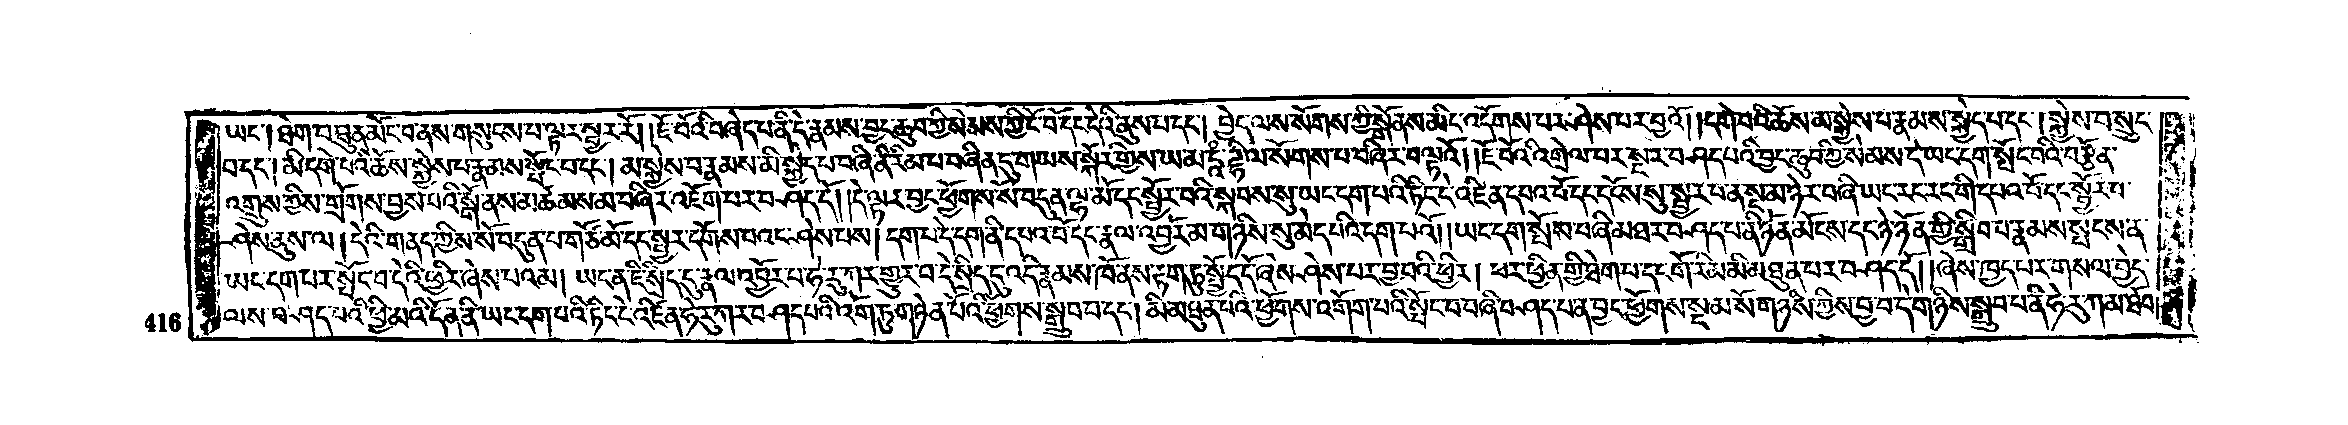ཡང་། ཐེག་པ་ཐུན་མོང་བ་ནས་གསུངས་པ་ལྟར་སྦྱར་རོ། །ཇོ་བོའི་བཞེད་པ་ནི་དེ་རྣམས་བྱང་ཆུབ་ཀྱི་སེམས་ཀྱི་ངོ་བོ་དང་དེའི་ནུས་པ་དང་། བྱེད་ལས་སོགས་ཀྱི་སྒོ་ནས་མིང་འདོགས་པར་ཤེས་པར་བྱའོ། །དགེ་བའི་ཆོས་མ་སྐྱེས་པ་རྣམས་སྐྱེད་པ་དང་། སྐྱེས་བ་སྲུང་
བ་དང་། མི་དགེ་བའི་ཆོས་སྐྱེས་པ་རྣམས་སྤོང་བ་དང་། མ་སྐྱེས་པ་རྣམས་མི་སྐྱེད་པ་བཞི་ནི་རིམ་པ་བཞིན་དུ་གཡས་སྐོར་གྱིས་ཡ་མ་དཱཾ་ཌྷི་ལ་སོགས་པ་བཞིར་བལྟའོ། །ཇོ་བོའི་འགྲེལ་པར་སྔར་བཤད་པའི་བྱང་ཆུབ་ཀྱི་སེམས་དེ་ཡང་དག་སྤོང་བའི་བརྩོན་
འགྲུས་ཀྱིས་གྲོགས་བྱས་པའི་སྒོ་ནས་མཚམས་མ་བཞིར་འཇོག་པར་བཤད་དོ། །དེ་ལྟར་བྱང་ཕྱོགས་སོ་བདུན་ལྷ་མོ་དང་སྦྱོར་བའི་སྐབས་སུ་ཡང་དག་པའི་ཏིང་ངེ་འཛིན་དཔའ་བོ་དང་དངོས་སུ་སྦྱར་བ་ན་སྔ་མ་ཉེར་བཞི་ཡང་རང་རང་གི་དཔའ་བོ་དང་སྦྱོར་བ་
ཤེས་ནུས་ལ། དེའི་གནད་ཀྱིས་སོ་བདུན་པ་གཙོ་མོ་དང་སྦྱར་དགོས་པའང་ཤེས་པས། དག་པ་དེ་དག་ནི་དཔའ་བོ་དང་རྣལ་འབྱོར་མ་གཉིས་སུ་མེད་པའི་དག་པའོ། །ཡང་དག་སྤོང་བ་བཞི་མཐར་བཤད་པ་ནི་ཉོན་མོངས་དང་ཉེ་ཉོན་གྱི་སྒྲིབ་པ་རྣམས་སྤངས་ན་
ཡང་དག་པར་སྤོང་བ་དེའི་ཕྱིར་ཞེས་པའམ། ཡང་ན་ཇི་སྲིད་དུ་རྣལ་འབྱོར་པ་ཧེ་རུ་ཀར་གྱུར་པ་དེ་སྲིད་དུ་འདི་རྣམས་ཁོ་ནས་རྟག་ཏུ་སྤྱོད་དོ་ཞེས་ཤེས་པར་བྱ་བའི་ཕྱིར། ཕར་ཕྱིན་གྱི་ཐེག་པ་དང་གོ་རིམ་མི་མཐུན་པར་བཤད་དོ། །ཞེས་ཁྱད་པར་གསལ་བྱེད་
ལས་བཤད་པའི་ཕྱི་མའི་དོན་ནི་ཡང་དག་པའི་ཏིང་ངེ་འཛིན་ཧེ་རུ་ཀར་བཤད་པའི་འོག་ཏུ་གཉེན་པོའི་ཕྱོགས་སྒྲུབ་པ་དང་། མི་མཐུན་པའི་ཕྱོགས་འགོག་པའི་སྤོང་བ་བཞི་བཤད་པ་ནི་བྱང་ཕྱོགས་སྔ་མ་སོ་གཉིས་ཀྱིས་བྱ་བ་དེ་གཉིས་སྒྲུབ་པ་ནི་ཧེ་རུ་ཀ་མ་ཐོབ།